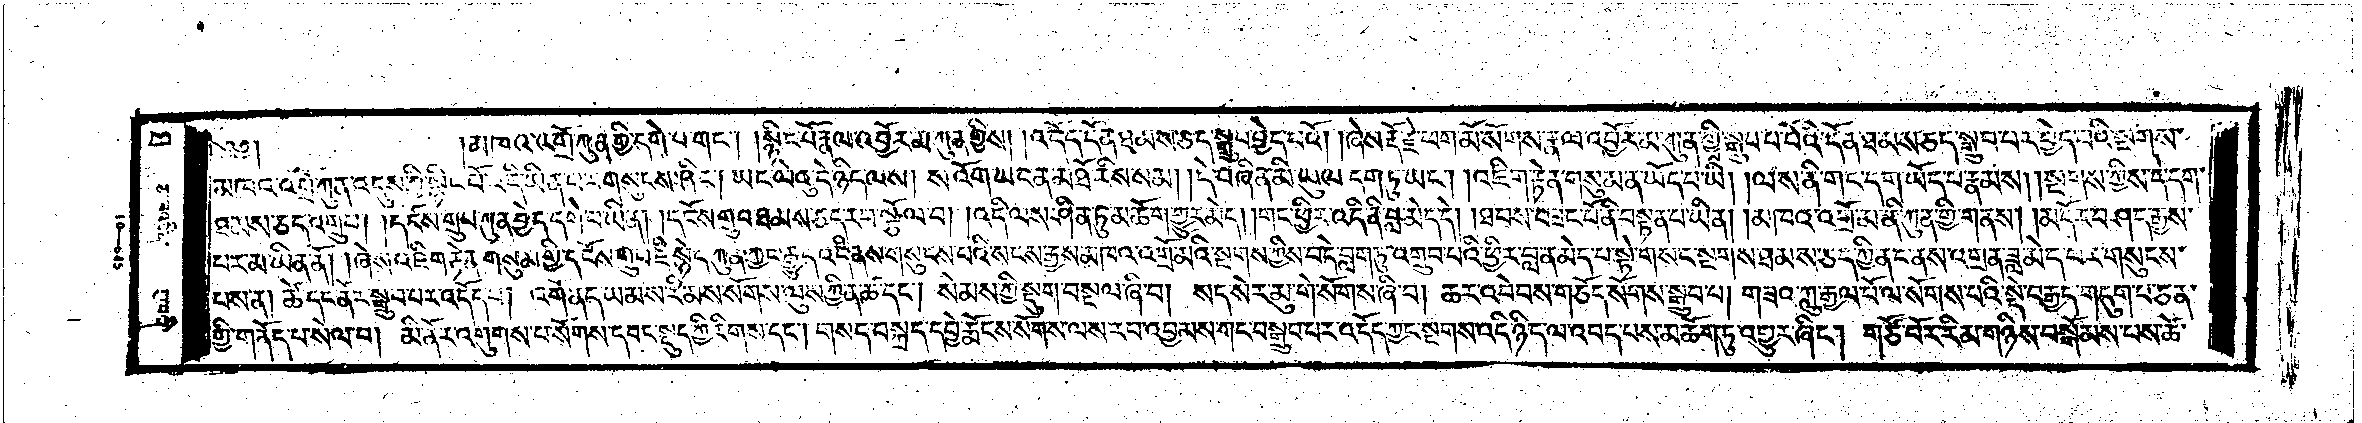༄༅། །མཁའ་འགྲོ་ཀུན་གྱི་དགེ་བ་གང་། །སྙིང་པོ་རྣལ་འབྱོར་མ་ཀུན་གྱིས། །འདོད་དོན་ཐམས་ཅད་སྒྲུབ་བྱེད་པའོ། །ཞེས་རྡོ་རྗེ་ཕག་མོ་སོགས་རྣལ་འབྱོར་མ་ཀུན་གྱིས་སྒྲུབ་པ་པོའི་དོན་ཐམས་ཅད་སྒྲུབ་པར་བྱེད་པའི་སྔགས་
མཁའ་འགྲོ་ཀུན་འདུས་ཀྱི་སྙིང་པོ་འདི་ཡིན་པར་གསུངས་ཤིང་། ཡང་ལེའུ་དེ་ཉིད་ལས། ས་འོག་ཡང་ན་མཐོ་རིས་སམ། །དེ་བཞིན་མི་ཡུལ་དག་ཏུ་ཡང་། །འཇིག་རྟེན་གསུམ་ན་ཡོད་པ་ཡི། །ལས་ནི་གང་དག་ཡོད་པ་རྣམས། །སྔགས་ཀྱིས་དེ་དག་
ཐམས་ཅད་འགྲུབ། །དངོས་གྲུབ་ཀུན་བྱེད་དགེ་བ་ཡིན། །དངོས་གྲུབ་ཐམས་ཅད་རབ་སྩོལ་བ། །འདི་ལས་ཤིན་ཏུ་མཆོག་གྱུར་མེད། །གང་ཕྱིར་འདི་ནི་བླ་མེད་དེ། །ཐབས་བཟང་པོ་ནི་བསྟན་པ་ཡིན། །མཁའ་འགྲོ་མ་ནི་ཀུན་གྱི་གནས། །མདོར་བཤད་རྒྱས་
པར་མ་ཡིན་ནོ། །ཞེས་འཇིག་རྟེན་གསུམ་གྱི་དངོས་གྲུབ་ཇི་སྙེད་ཀུན་ཀྱང་རྒྱུད་འདི་ནས་གསུངས་པའི་སངས་རྒྱས་མཁའ་འགྲོ་མའི་སྔགས་ཀྱིས་བདེ་བླག་ཏུ་འགྲུབ་པའི་ཕྱིར་བླ་ན་མེད་པ་སྟེ་གསང་སྔགས་ཐམས་ཅད་ཀྱི་ནང་ནས་འགྲན་ཟླ་མེད་པར་གསུངས་
པས་ན། ཚེ་དང་ནོར་སྒྲུབ་པར་འདོད་པ། འགོ་ནད་ཡམས་རིམས་སོགས་ལུས་ཀྱི་ན་ཚ་དང་། སེམས་ཀྱི་སྡུག་བསྔལ་ཞི་བ། སད་སེར་མུ་གེ་སོགས་ཞི་བ། ཆར་འབེབས་གཅོད་སོགས་སྒྲུབ་པ། གཟའ་ཀླུ་རྒྱལ་པོ་ལ་སོགས་པའི་སྡེ་བརྒྱད་གདུག་པ་ཅན་
གྱི་གནོད་པ་སེལ་བ། མི་ནོར་འགུགས་པ་སོགས་དབང་སྡུད་ཀྱི་རིགས་དང་། གསད་བསྐྲད་དབྱེ་རྨོངས་སོགས་ལས་རབ་འབྱམས་གང་བསྒྲུབ་པར་འདོད་ཀྱང་སྔགས་འདི་ཉིད་ལ་འབད་པས་མཆོག་ཏུ་འགྱུར་ཞིང་། གཙོ་བོར་རིམ་གཉིས་བསྒོམས་པས་ཚེ་